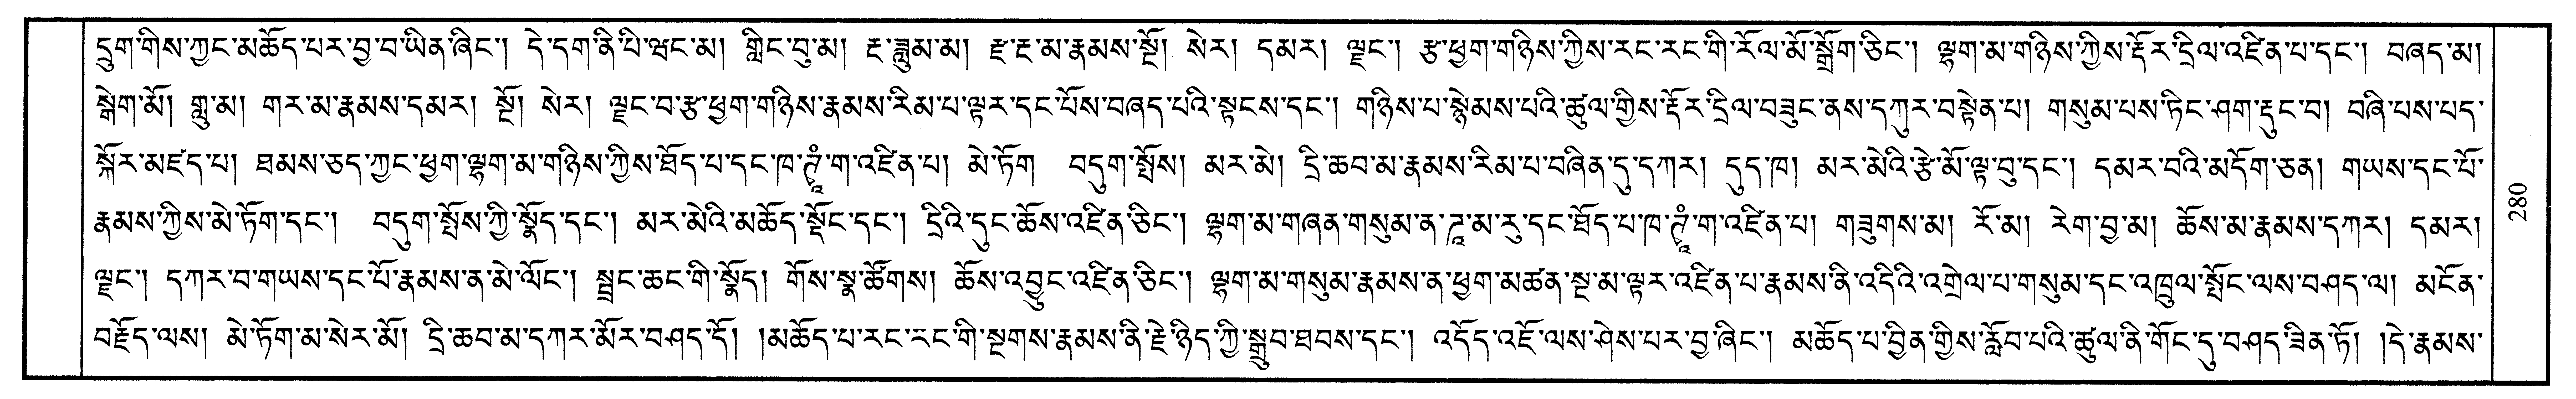དྲུག་གིས་ཀྱང་མཆོད་པར་བྱ་བ་ཡིན་ཞིང་། དེ་དག་ནི་པི་ཝང་མ། གླིང་བུ་མ། རྔ་ཟླུམ་མ། རྫ་རྔ་མ་རྣམས་སྔོ། སེར། དམར། ལྗང་། རྩ་ཕྱག་གཉིས་ཀྱིས་རང་རང་གི་རོལ་མོ་སྒྲོག་ཅིང་། ལྷག་མ་གཉིས་ཀྱིས་རྡོར་དྲིལ་འཛིན་པ་དང་། བཞད་མ།
སྒེག་མོ། གླུ་མ། གར་མ་རྣམས་དམར། སྔོ། སེར། ལྗང་བ་རྩ་ཕྱག་གཉིས་རྣམས་རིམ་པ་ལྟར་དང་པོས་བཞད་པའི་སྟངས་དང་། གཉིས་པ་སྙེམས་པའི་ཚུལ་གྱིས་རྡོར་དྲིལ་བཟུང་ནས་དཀུར་བསྟེན་པ། གསུམ་པས་ཏིང་ཤག་རྡུང་བ། བཞི་པས་པད་
སྐོར་མཛད་པ། ཐམས་ཅད་ཀྱང་ཕྱག་ལྷག་མ་གཉིས་ཀྱིས་ཐོད་པ་དང་ཁ་ཏྭཱཾ་ག་འཛིན་པ། མེ་ཏོག་བདུན་སྤོས། མར་མེ། དྲི་ཆབ་མ་རྣམས་རིམ་པ་བཞིན་དུ་དཀར། དུད་ཁ། མར་མེའི་རྩེ་མོ་ལྟ་བུ་དང་། དམར་བའི་མདོག་ཅན། གཡས་དང་པོ་
རྣམས་ཀྱིས་མེ་ཏོག་དང་། བདུག་སྤོས་ཀྱི་སྣོད་དང་། མར་མེའི་མཆོད་སྡོང་དང་། དྲིའི་དུང་ཆོས་འཛིན་ཅིང་། ལྷག་མ་གཞན་གསུམ་ན་ཌཱ་མ་རུ་དང་ཐོད་པ་ཁ་ཊྭཱཾ་ག་འཛིན་པ། གཟུགས་མ། རོ་མ། རེག་བྱ་མ། ཆོས་མ་རྣམས་དཀར། དམར།
ལྗང་། དཀར་བ་གཡས་དང་པོ་རྣམས་ན་མེ་ལོང་། སྦྲང་ཆང་གི་སྣོད། གོས་སྣ་ཚོགས། ཆོས་འབྱུང་འཛིན་ཅིང་། ལྷག་མ་གསུམ་རྣམས་ན་ཕྱག་མཚན་སྔ་མ་ལྟར་འཛིན་པ་རྣམས་ནི་འདིའི་འགྲེལ་པ་གསུམ་དང་འཁྲུལ་སྤོང་ལས་བཤད་ལ། མངོན་
བརྗོད་ལས། མེ་ཏོག་མ་སེར་མོ། དྲི་ཆབ་མ་དཀར་མོར་བཤད་དོ། །མཆོད་པ་རང་རང་གི་སྔགས་རྣམས་ནི་རྗེ་ཉིད་ཀྱི་སྒྲུབ་ཐབས་དང་། འདོད་འཇོ་ལས་ཤེས་པར་བྱ་ཞིང་། མཆོད་པ་བྱིན་གྱིས་རློབ་པའི་ཚུལ་ནི་གོང་དུ་བཤད་ཟིན་ཏོ། །དེ་རྣམས་